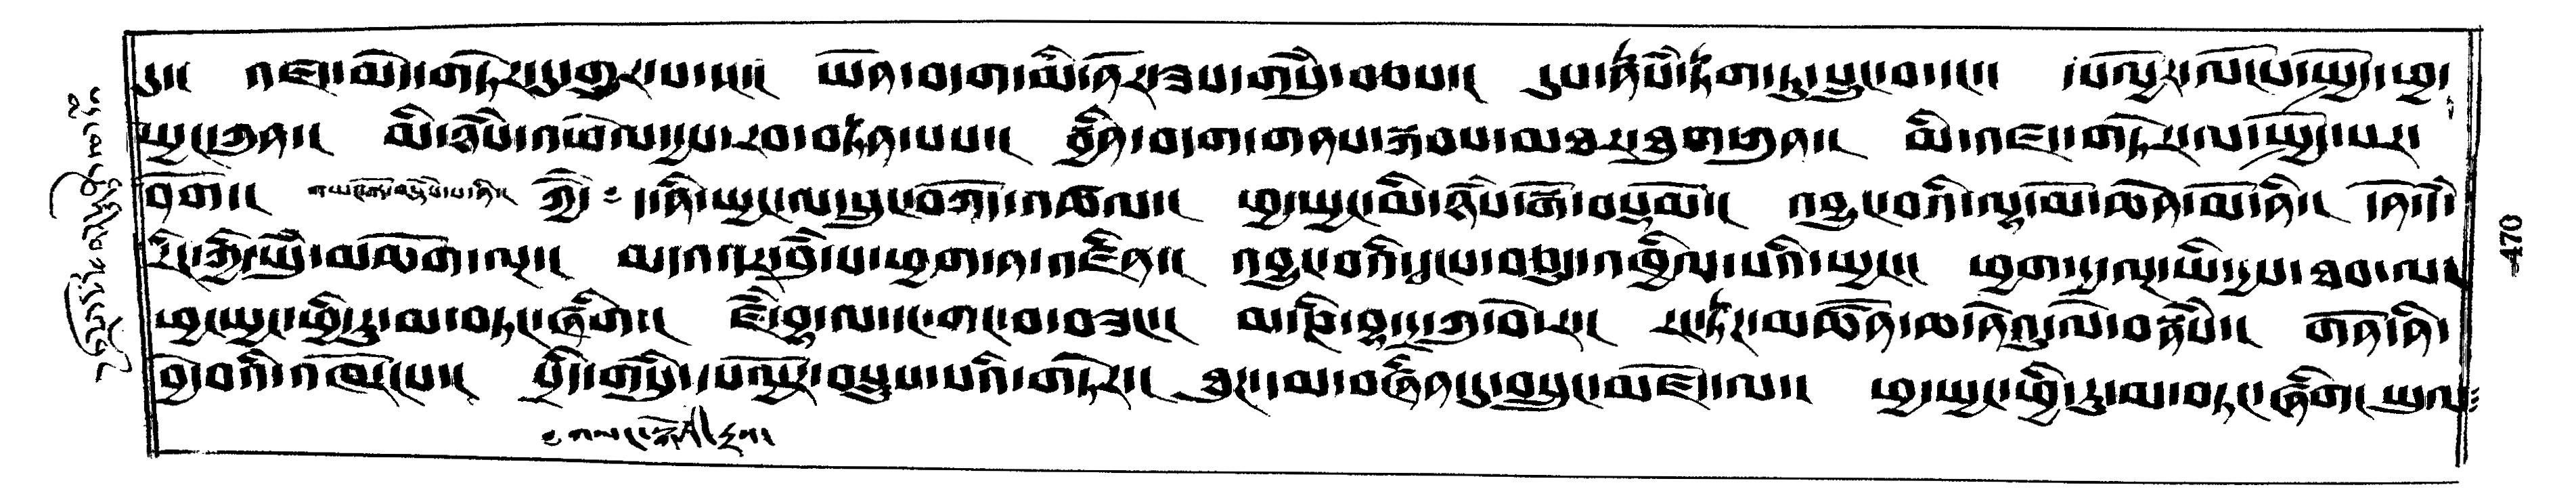དུ། འཛད་མེད་གཏེར་ཏུ་གྱུར་པ་དང་། །ཡོན་བདག་མི་ནོར་ཟས་གསུམ་བཅས། །དུས་རྣམས་རྟག་ཏུ་སྲུང་བ་དང་། །དཔལ་འབྱོར་ལོངས་སྤྱོད་ཕྱྭ་
གཡང་ཀུན། །མི་ཉམས་འཕེལ་རྒྱས་རབ་བརྟན་པས། །སྦྱིན་བདག་གནས་སྐབས་མཐར་ཐུག་ཀུན། །མི་འཛད་གཏེར་ལ་སྤྱོད་པར་
ཤོག གཡང་སྒོ་བསྡམས་པ་ནི། ཀྱཻ། ད་ནི་གཡང་ལ་སྲུང་བཀོད་འཚལ། །ཕྱྭ་གཡང་མི་ཉམས་སྒོ་བསྡམ་མོ། །འབྱུང་བའི་ལྷ་མོ་ཆེན་མོ་ནི། །དོན་དམ་
རིགས་ཀྱི་ཡུམ་མཆོག་ལྔ། །མདའ་དར་བུམ་པ་ཕྱག་ན་འཛིན། །འབྱུང་བའི་དྭངས་བཅུད་འཁྱིལ་པའི་གཡང་། །ཕྱག་རྒྱ་ལྔ་ཡི་རྒྱས་ཐོབ་ལ། །
ཕྱྭ་གཡང་ཕྱི་རུ་མ་བཏབ་ཞིག །ཛམ་བྷ་ལ་དང་གང་བ་བཟང་། མ་ཎི་བྷ་དྲ་ཀུ་བེ་ར། །རང་རྟགས་མཚོན་ཆ་ནེའུ་ལེ་བསྣམས། གནོད་སྦྱིན་
བྱེ་བའི་འཁོར་དང་བཅས། །སྲིད་གསུམ་དཔལ་འབྱོར་བསྡུས་པའི་གཏེར། །ཐུགས་དམ་བཞིན་དུ་བསྲུང་མཛོད་ལ། །ཕྱྭ་གཡང་ཕྱི་རུ་མ་བཏང་ཞིག།ཡུལ་